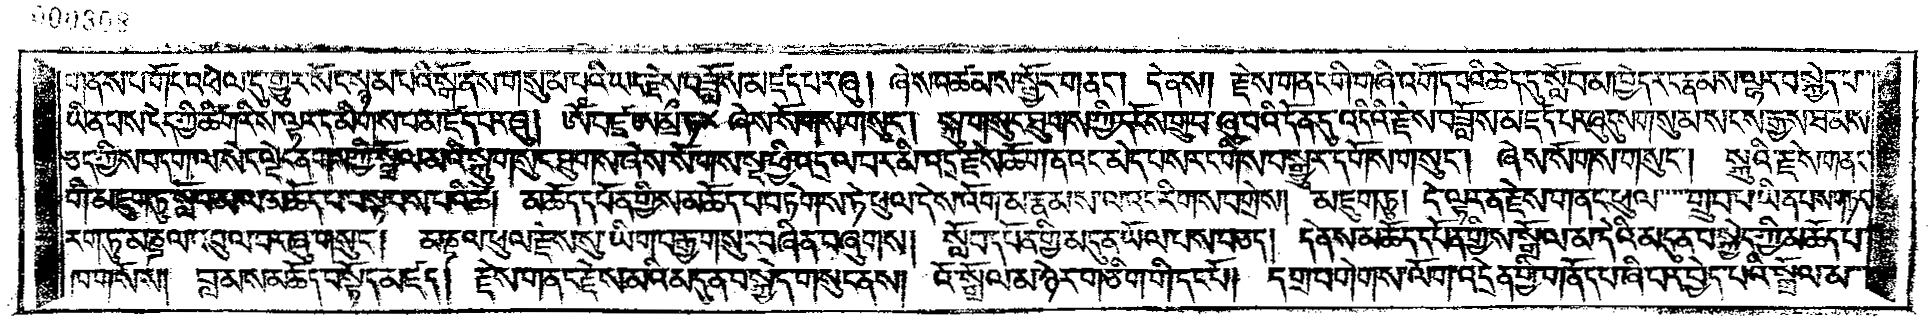གནས་པ་གོང་འཕེལ་དུ་གྱུར་སོང་སྙམ་པའི་སྒོ་ནས་གསུམ་པའི་ཡང་རྗེས་བཟློས་མཛད་པར་ཞུ། ཞེས་འཚམས་སྦྱོར་གནང་། དེ་ནས། རྗེས་གནང་གི་གཞི་འགོད་པའི་ཆེད་དུ་སློབ་མ་ཁྱེད་རང་རྣམས་ལྷར་བསྐྱེད་པ་
ཡིན་པས་ངེད་ཀྱི་ཚིག་རིས་ལྟར་དམིགས་པ་མཛད་པར་ཞུ། ཨོཾ་བཛྲ་ཨམྲྀ་ཏ་྾་ཞེས་སོགས་གསུང་། སྐུ་གསུང་ཐུགས་ཀྱི་དངོས་གྲུབ་ཞུ་བའི་དོན་དུ་འདིའི་རྗེས་བཟློས་མཛད་པར་ཞུ་དུས་གསུམ་སངས་རྒྱས་ཐམས་
ཅད་ཀྱིས་བདག་ལ་སེང་ལྡེང་ནགས་ཀྱི་སྒྲོལ་མའི་སྐུ་གསུང་ཐུགས་ཞེས་སོགས་སྔ་ཕྱི་འདྲ་ལ་བར་མི་འདྲ་རྗེས་ཆོག་ནའང་མེད་པས་རང་གིས་བསྒྱུར་དགོས་གསུང་། ཞེས་སོགས་གསུང་། སྐུའི་རྗེས་གནང་
གི་མཇུག་ཏུ་སློབ་མ་ལ་མཆོད་པ་བསྟབས་པའི་ཚེ། མཆོད་དཔོན་གྱིས་མཆོད་པ་བཏེགས་ཏེ་ཕུལ་དེས་འོག་མ་རྣམས་ལའང་རིགས་བགྲེས། མཇུག་ཏུ། དེ་ལྟར་ན་རྗེས་གནང་ཕུལ་གྲུབ་པ་ཡིན་པས་གཏང་
རག་ཏུ་མཎྜལ་འབུལ་བར་ཞུ་གསུང་། མཎྜལ་ཕུལ་རྗེས་སུ་ཡིག་བརྒྱ་གསུང་བཞིན་བཞུགས། སློབ་དཔོན་གྱི་མདུན་ཡོལ་པས་བཅད། དེ་ནས་མཆོད་དཔོན་གྱིས་སྒྲོལ་མ་དེའི་མདུན་བསྐྱེད་ཀྱི་མཆོད་པ་
ཁ་གསོས། བླ་མས་མཆོད་བསྟོད་མཛད། རྗེས་གནང་རྗེས་མའི་མདུན་བསྐྱེད་གསུང་ནས། འོ་སྒྲོལ་མ་ཉེར་གཅིག་གི་དང་པོ། དགྲ་བགེགས་ལོག་འདྲེན་གྱི་གནོད་པ་ཞི་བར་བྱེད་པའི་སྒྲོལ་མ་